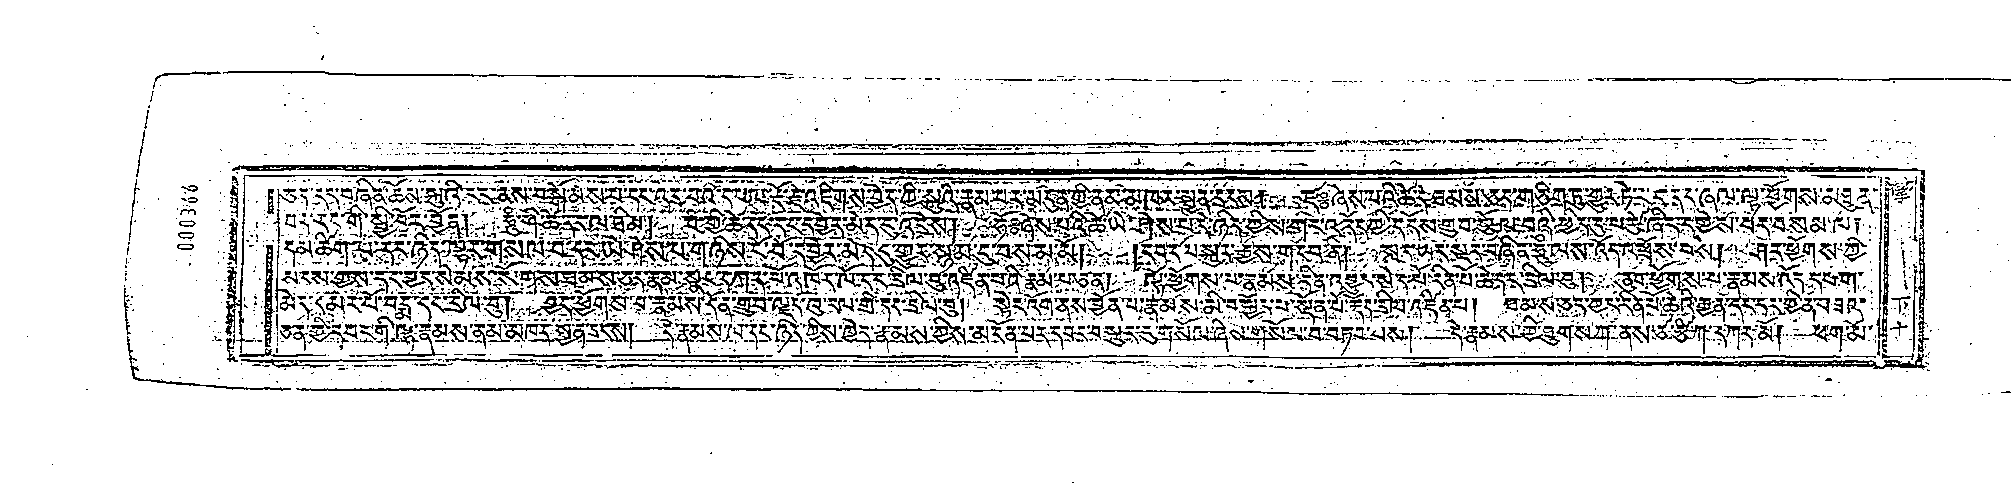ཅད་རང་བཞིན་ཆོས་སྐུའི་ངང་ནས་བསྒོམས་པ་དང་འདྲ་བའི་དཔལ་རྡོ་རྗེ་འཇིགས་བྱེད་ཀྱི་སྐུའི་རྣམ་པར་མདུན་གྱི་ནམ་མཁའ་སྤྱན་དྲངས། ཛཿ་ཞེས་པའི་ཚེ་དེ་ཐམས་ཅད་གཅིག་ཏུ་གྱུར་ཏེ་རང་དང་ཞལ་ལྟ་ཕྱོགས་མཐུན་
པར་རང་གི་སྤྱི་བོར་བྱོན། ཧཱུཾ་གི་ཚེ་རང་ལ་ཐིམ། བི་གྱི་ཚེ་རང་དང་དབྱེར་མེད་དུ་འདྲེས། ཧོཿ་ཞེས་པའི་ཚེ་ཡེ་ཤེས་པ་དེ་ཉིད་ཀྱིས་གང་འདོད་ཀྱི་དངོས་གྲུབ་སྩོལ་བའི་ཕྱིར་དུ་བརྩེ་ཞིང་དགྱེས་པར་བསམ་ལ།
དམ་ཚིག་པ་རང་ཉིད་ལྷར་གསལ་བ་དང་ཡེ་ཤེས་པ་གཉིས་ངོ་བོ་དབྱེར་མེད་དུ་གྱུར་སྙམ་དུ་བསམ་མོ། །དབང་བསྐུར་རྒྱས་གང་བ་ནི། སླར་ཡང་སྔར་བཞིན་ཧཱུཾ་ལས་འོད་འཕྲོས་པས། ཤར་ཕྱོགས་ཀྱི་
སངས་རྒྱས་དང་བྱང་སེམས་སོགས་ཐམས་ཅད་རྣམ་སྣང་དཀར་པོ་འཁོར་ལོ་དང་དྲིལ་བུ་འཛིན་པའི་རྣམ་པ་ཅན། ལྷོ་ཕྱོགས་པ་རྣམས་རིན་འབྱུང་སེར་པོ་རིན་པོ་ཆེ་དང་དྲིལ་བུ། ནུབ་ཕྱོགས་པ་རྣམས་འོད་དཔག་
མེད་དམར་པོ་པདམ་དང་དྲིལ་བུ། བྱང་ཕྱོགས་པ་རྣམས་དོན་གྲུབ་ལྗང་གུ་རལ་གྲི་དང་སྲིལ་བུ། སྟེང་འོག་ནས་བྱོན་པ་རྣམས་མི་བསྐྱོད་པ་སྔོན་པོ་རྡོར་དྲིལ་འཛིན་པ། ཐམས་ཅད་ཀྱང་རིན་པོ་ཆེའི་རྒྱན་དང་དར་གྱི་ན་བཟའ་
ཅན་གྱི་དབང་གི་ལྷ་རྣམས་ནམ་མཁར་སྤྱན་དྲངས། དེ་རྣམས་ལ་རང་ཉིད་ཀྱིས་ཁྱེད་རྣམས་ཀྱིས་མངོན་པར་དབང་བསྐུར་དུ་གསོལ་ཞེས་གསོལ་བ་བཏབ་པས། དེ་རྣམས་ཀྱི་ཐུགས་ཀ་ནས་རྩ་རྩི་ཀ་དཀར་མོ། ཕག་མོ་